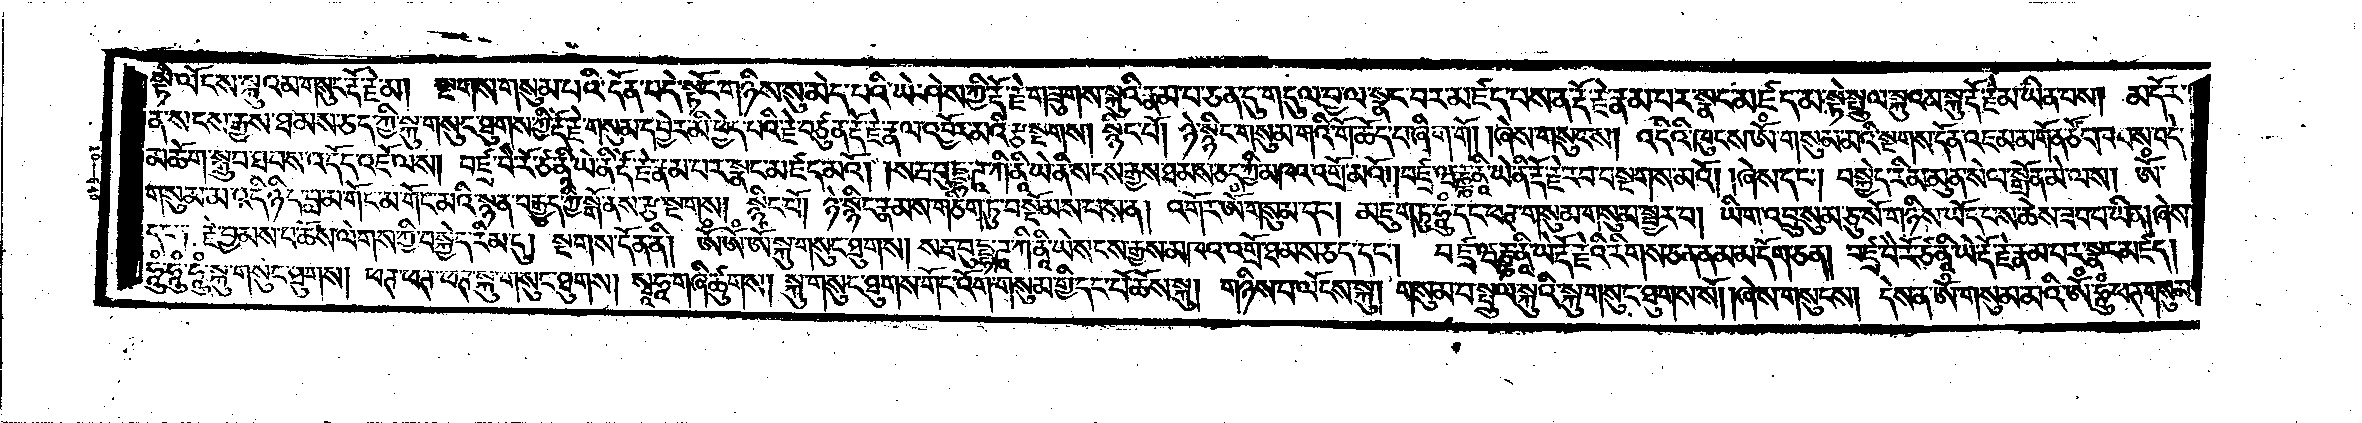སྟེ་ལོངས་སྐུའམ་གསུང་རྡོ་རྗེ་མ། སྔགས་གསུམ་པའི་དོན་བདེ་སྟོང་གཉིས་སུ་མེད་པའི་ཡེ་ཤེས་ཀྱི་རྡོ་རྗེ་གཟུགས་སྐུའི་རྣམ་པ་ཅན་དུ་གདུལ་བྱ་ལ་སྣང་བར་མཛད་པས་ན་རྡོ་རྗེ་རྣམ་པར་སྣང་མཛད་མ་སྟེ་སྤྲུལ་སྐུའམ་སྐུ་རྡོ་རྗེ་མ་ཡིན་པས། མདོར་
ན་སངས་རྒྱས་ཐམས་ཅད་ཀྱི་སྐུ་གསུང་ཐུགས་ཀྱི་རྡོ་རྗེ་གསུམ་དབྱེར་མི་ཕྱེད་པའི་རྗེ་བཙུན་རྡོ་རྗེ་རྣལ་འབྱོར་མའི་རྩ་སྔགས། སྙིང་པོ། ཉེ་སྙིང་གསུམ་གའི་གོ་ཆོད་པ་ཞིག་གོ། །ཞེས་གསུངས། འདིའི་ཁུངས་ཨོཾ་གསུམ་མའི་སྔགས་དོན་འཇམ་མགོན་ཙོང་ཁ་པས་བདེ་
མཆོག་སྒྲུབ་ཐབས་འདོད་འཇོ་ལས། བཛྲ་བཻ་རོ་ཙ་ནཱི་ཡེ་ནི་རྡོ་རྗེ་རྣམ་པར་སྣང་མཛད་མའོ། །སརྦ་བུདྡྷ་ཌཱ་ཀི་ནཱི་ཡེ་ནི་སངས་རྒྱས་ཐམས་ཅད་ཀྱི་མཁའ་འགྲོ་མའོ། །བཛྲ་ཝརྞྞ་ནཱི་ཡེ་ནི་རྡོ་རྗེ་རབ་བསྔགས་མའོ། །ཞེས་དང་། བསྐྱེད་རིམ་མུན་སེལ་སྒྲོན་མེ་ལས། །ཨོཾ་
གསུམ་མ་འདི་ཉིད་བླ་མ་གོང་མ་གོང་མའི་སྙན་བརྒྱུད་ཀྱི་སྒོ་ནས་རྩ་སྔགས། སྙིང་པོ། ཉེ་སྙིད་རྣམས་གཅིག་ཏུ་བསྡོམས་པས་ན། འགོར་ཨོཾ་གསུམ་དང་། མཇུག་ཏུ་ཧཱུཾ་དང་ཕཊ་གསུམ་གསུམ་སྦྱར་བ། ཡིག་འབྲུ་སུམ་ཅུ་སོ་གཉིས་ཡོད་པས་ཆེས་ཟབ་པ་ཡིན། ཞེས་
དང༑ རྗེ་བྱམས་པ་ཆོས་ལེགས་ཀྱི་བསྐྱེད་རིམ་དུ། སྔགས་དོན་ནི། ཨོཾ་ཨོཾ་ཨོཾ་སྐུ་གསུང་ཐུགས། སརྦ་བུདྡྷ་ཌཱ་ཀི་ནཱི་ཡེ་སངས་རྒྱས་མཁའ་འགྲོ་ཐམས་ཅད་དང་། བཛྲ་ཝརྞྞ་ནཱི་ཡེ་རྡོ་རྗེའི་རིགས་ཅན་ནམ་མདོག་ཅན། བཛྲ་བཻ་རོ་ཙནཱི་ཡེ་རྡོ་རྗེ་རྣམ་པར་སྣང་མཛད།
ཧཱུཾ་ཧཱུཾ་ཧཱུཾ་སྐུ་གསུང་ཐུགས། ཕཊ་ཕཊ་ཕཊ་སྐུ་གསུང་ཐུགས། སྭཱ་ཧཱ་གཞི་ཚུགས། སྐུ་གསུང་ཐུགས་གོང་འོག་གསུམ་གྱི་དང་པོ་ཆོས་སྐུ། གཉིས་པ་ལོངས་སྐུ། གསུམ་པ་སྤྲུལ་སྐུའི་སྐུ་གསུང་ཐུགས་སོ། །ཞེས་གསུངས། དེས་ན་ཨོཾ་གསུམ་མའི་ཨོཾ་ཧཱུཾ་ཕཊ་གསུམ་